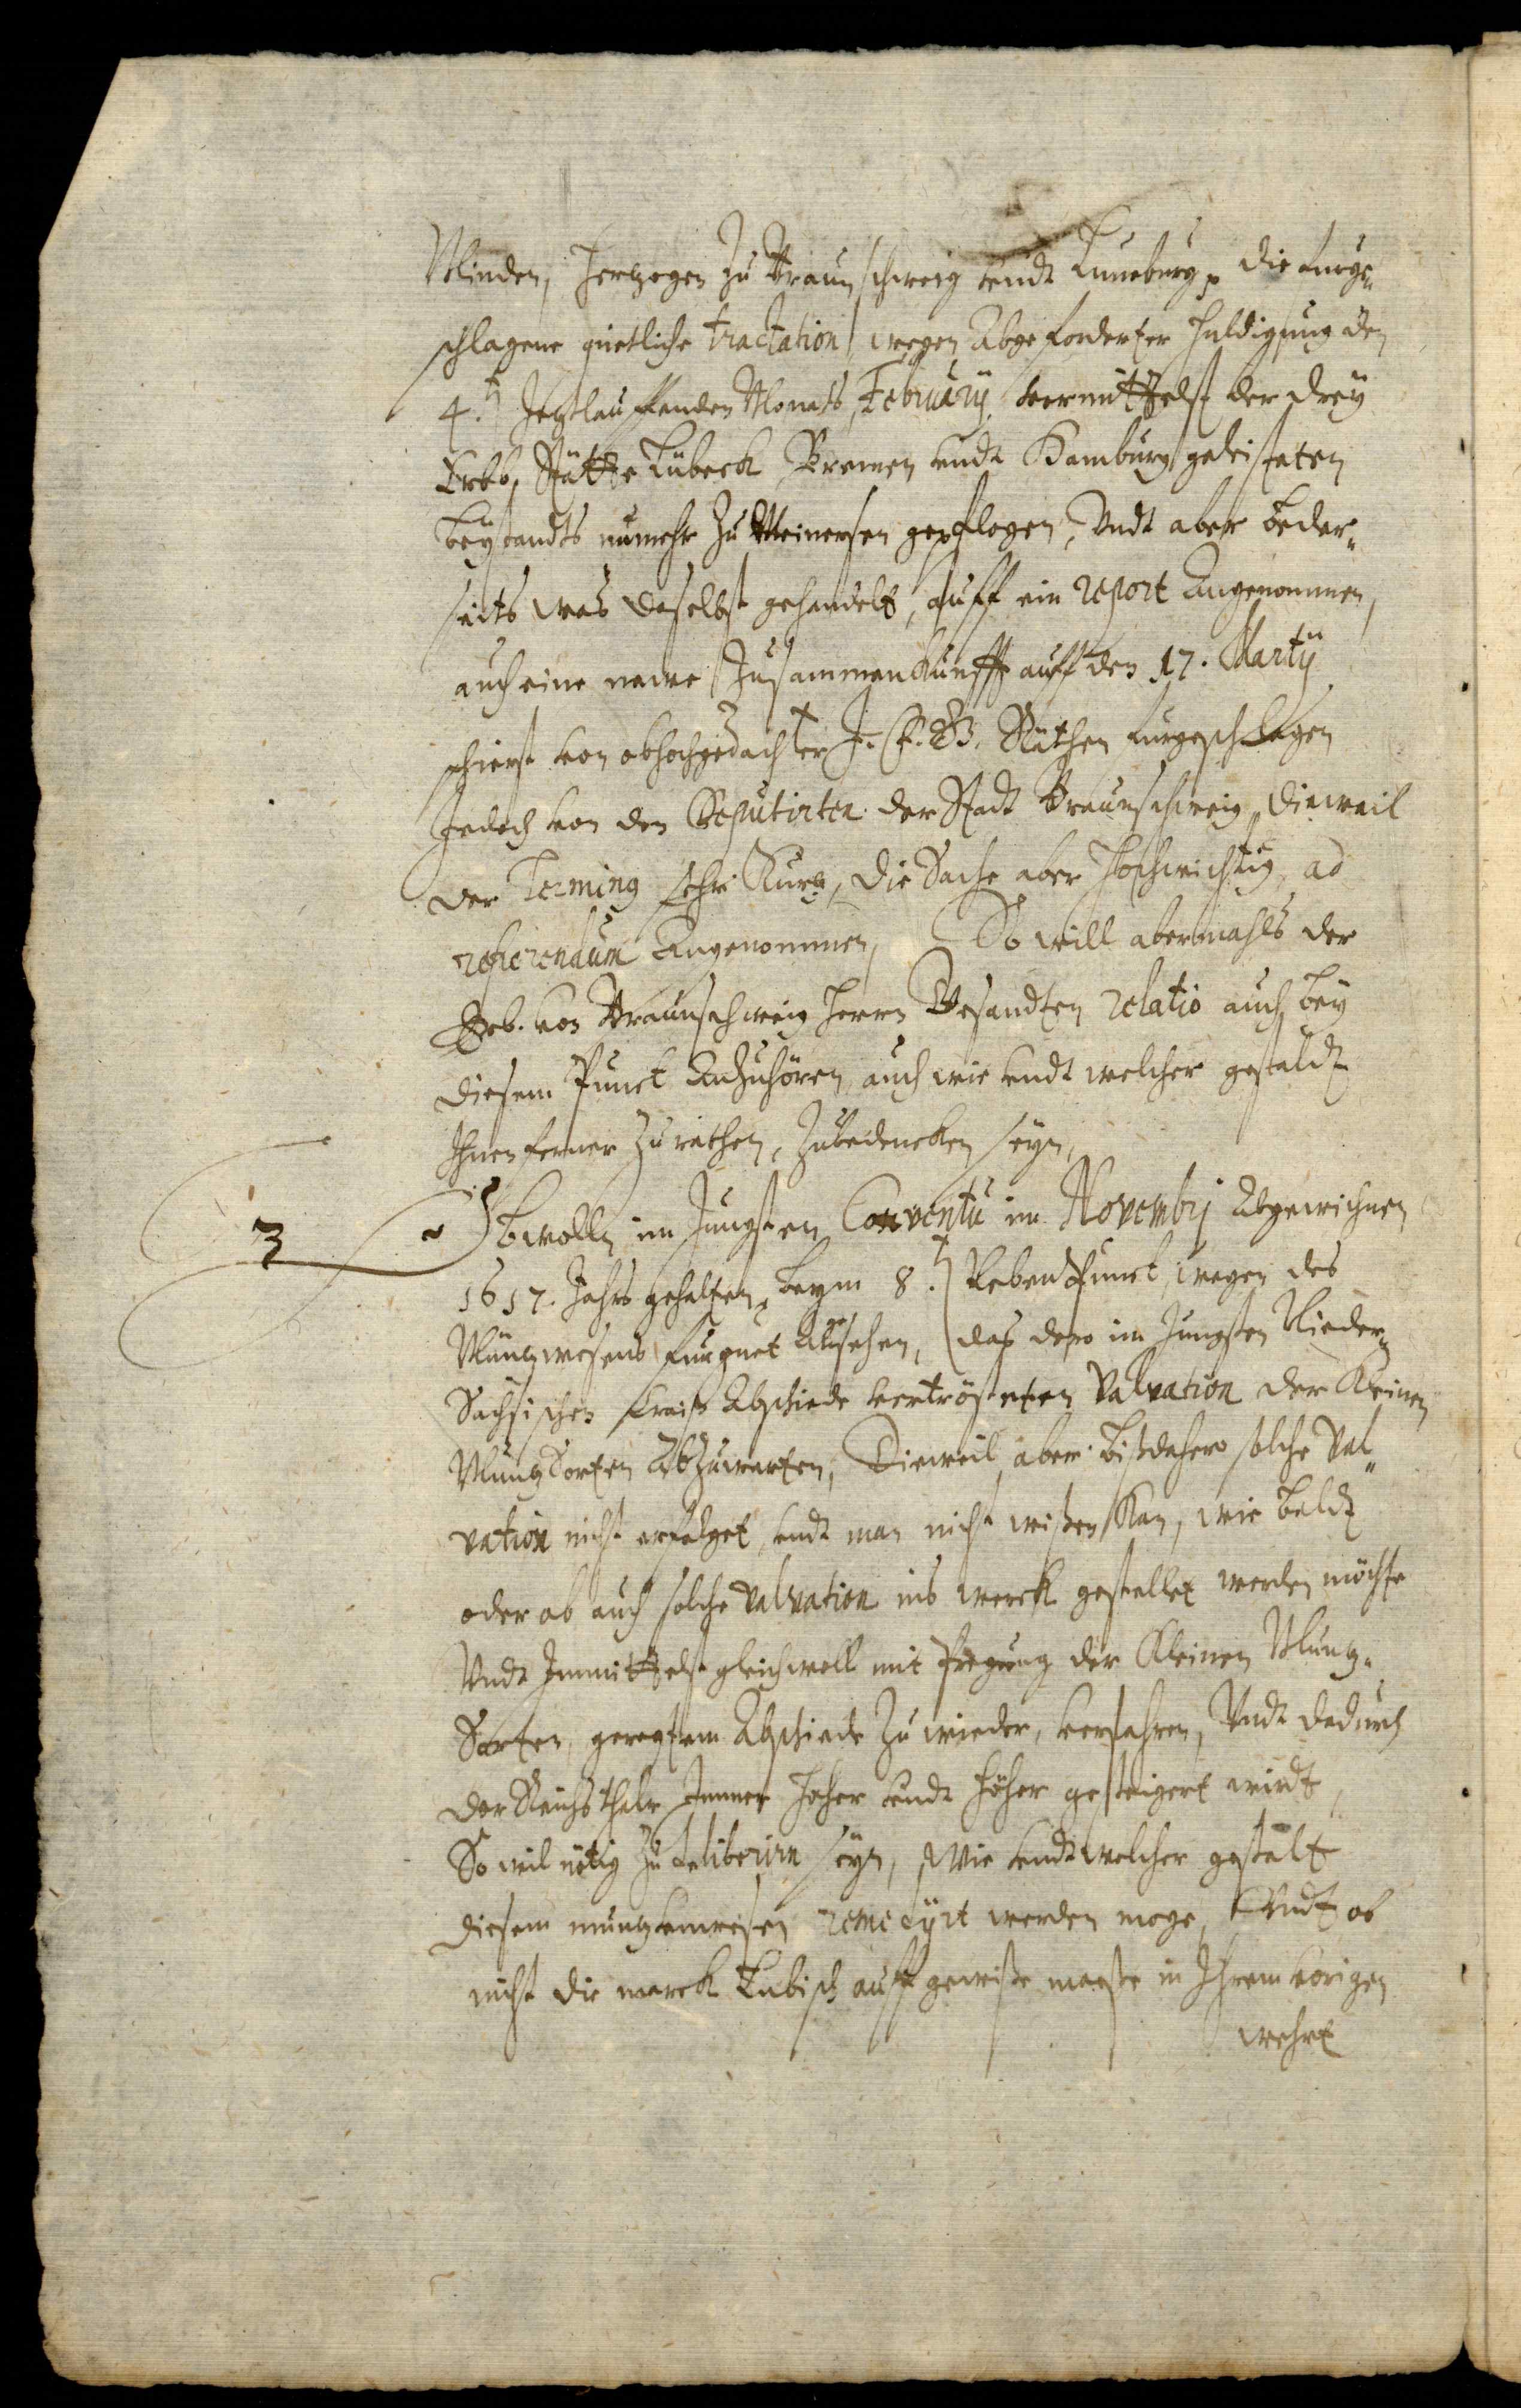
Minden, herzogen zu Braunschweig vndt Luneburg p die furge¬
schlagene guetliche tractation, wegen Abgeforderter huldigung den
4.ten Jetztlauffenden Monats, Februarij, vermittelst der dreij
Erbb. Stätte Lübeck, Bremen vndt Hamburg geleisteten
beijstandts numehr zu Meinersen gepflogen, Vndt aber beder¬
seits was daselbst gehandelt, auff ein report Angenommen,
auch eine newe zusammenkunfft auff den 17. Martij
schierst von obhochgedachter I. F. G. Räthen furgeschlagen
Jedoch von den Deputirten der Stadt Braunschweig, dieweil
der Terminus sehr Kurtz, die Sache aber hochwichtig, ad
referendum Angenommen, So will abermahls der
Erb. von Braunschweig herrn Gesandten relatio auch beij
diesem Punct anhuhören, auch wie vndt welcher gestaldt
Ihnen ferner zu rathen, zubedencken seijn,
Obwolln im Jungsten Conventu im Novembri Abgewichnen
1617. Jahrs gehalten, beym 8.ten NebenPunct, wegen des
Müntzwesens, fur guet Ahngesehen, das dero im Jungsten Nieder¬
Sachsischen Craiß Abschiede vertrösteten Valvation der kleinen
Muntz Sorten Abzuwarten, Dieweil aber bißdahero solche Val¬
vation nicht erfolget, vndt man nicht wißen kan, wie baldt
oder ob auch solche Valvation ins werck gestellet werden möchte
vndt Immittelst gleichwoll mit Pregung der Kleinen Muntz¬
Sorten, geregtem Abschiede zu wieder, verfahren, Vndt dadurch
der Reichsthalr Immer hoher vndt höher gesteigert wirdt,
So wil nötig zu deliberirn seijn, Wie vndt welcher gestalt
diesem muntzvnwesen remedijrt werden moge, Vndt ob
nicht die marck Lubisch auff gewiße maaße in Ihrem vorigen
wehrt
3
